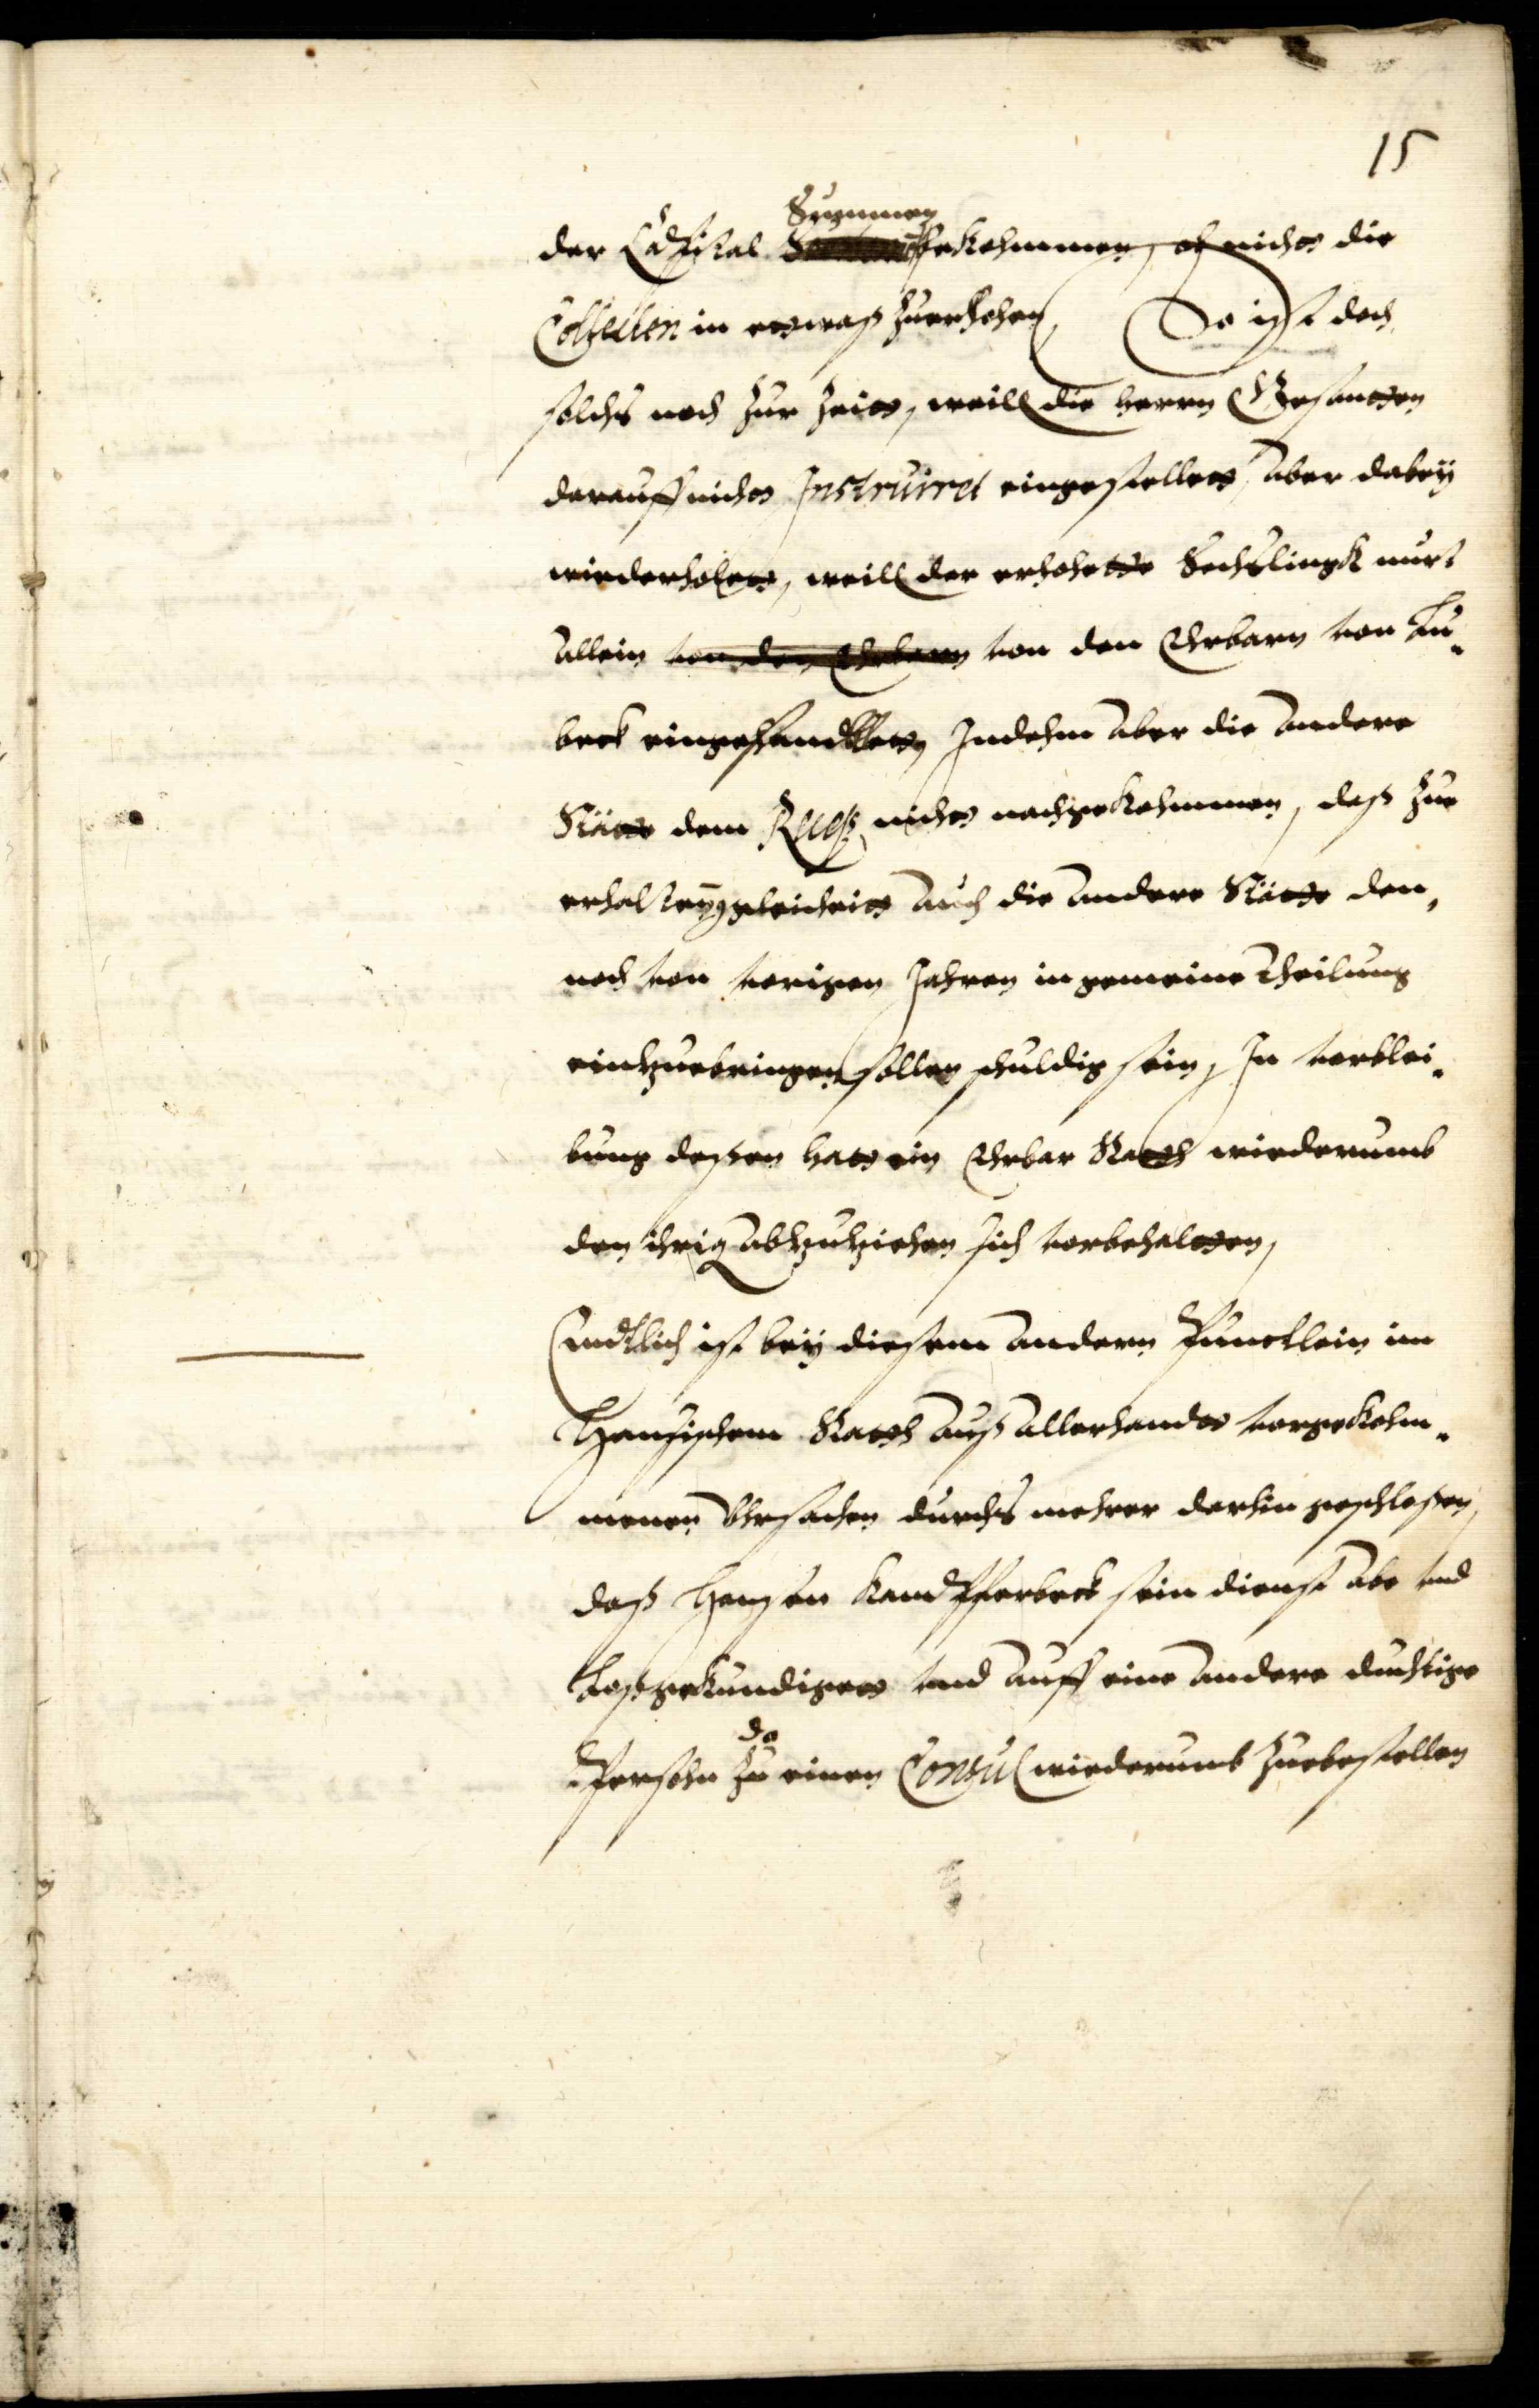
15
Summen
der Capital Summe bekehmmen, ob nichtt die
Collecten in ettwaß zuerhohen, So ist doch
solchs noch zur zeitt, weill die herrn Gesantten
darauff nichts Instruiret eingestellett, Aber dabeij
wiederholett, weill der erhohette Sechslingk nurst
allein von den Ehrbarn von den Ehrbarn von Lu¬
beck eingehandlett, Indehm Aber die Andere
Stätte dem Recess nichtt nachgekohmmen, daß zur
erhaltung gleicheitt auch die andere Stätte den¬
noch von vorigen Jahren in gemeine Theilung
eintzuebringen sollen schuldig sein, In verblei¬
bung deßen hatt ein ehrbar Ratth wiederumb
den ihrigen abtzutziehen sich vorbehalten,
Endtlich ist beij diesem andern Punctlein im
Hansischen Ratth Auß Allerhandtt vorgekohm¬
menen Vhrsachen durchs mehrer darhin geschloßen,
daß Hansen Kampferbeck sein dienst Abe vnd
Loßgekundigett vnd Auff eine Andere duchtige
da
Persohn zu einen Consul wiederumb zuebestellen
